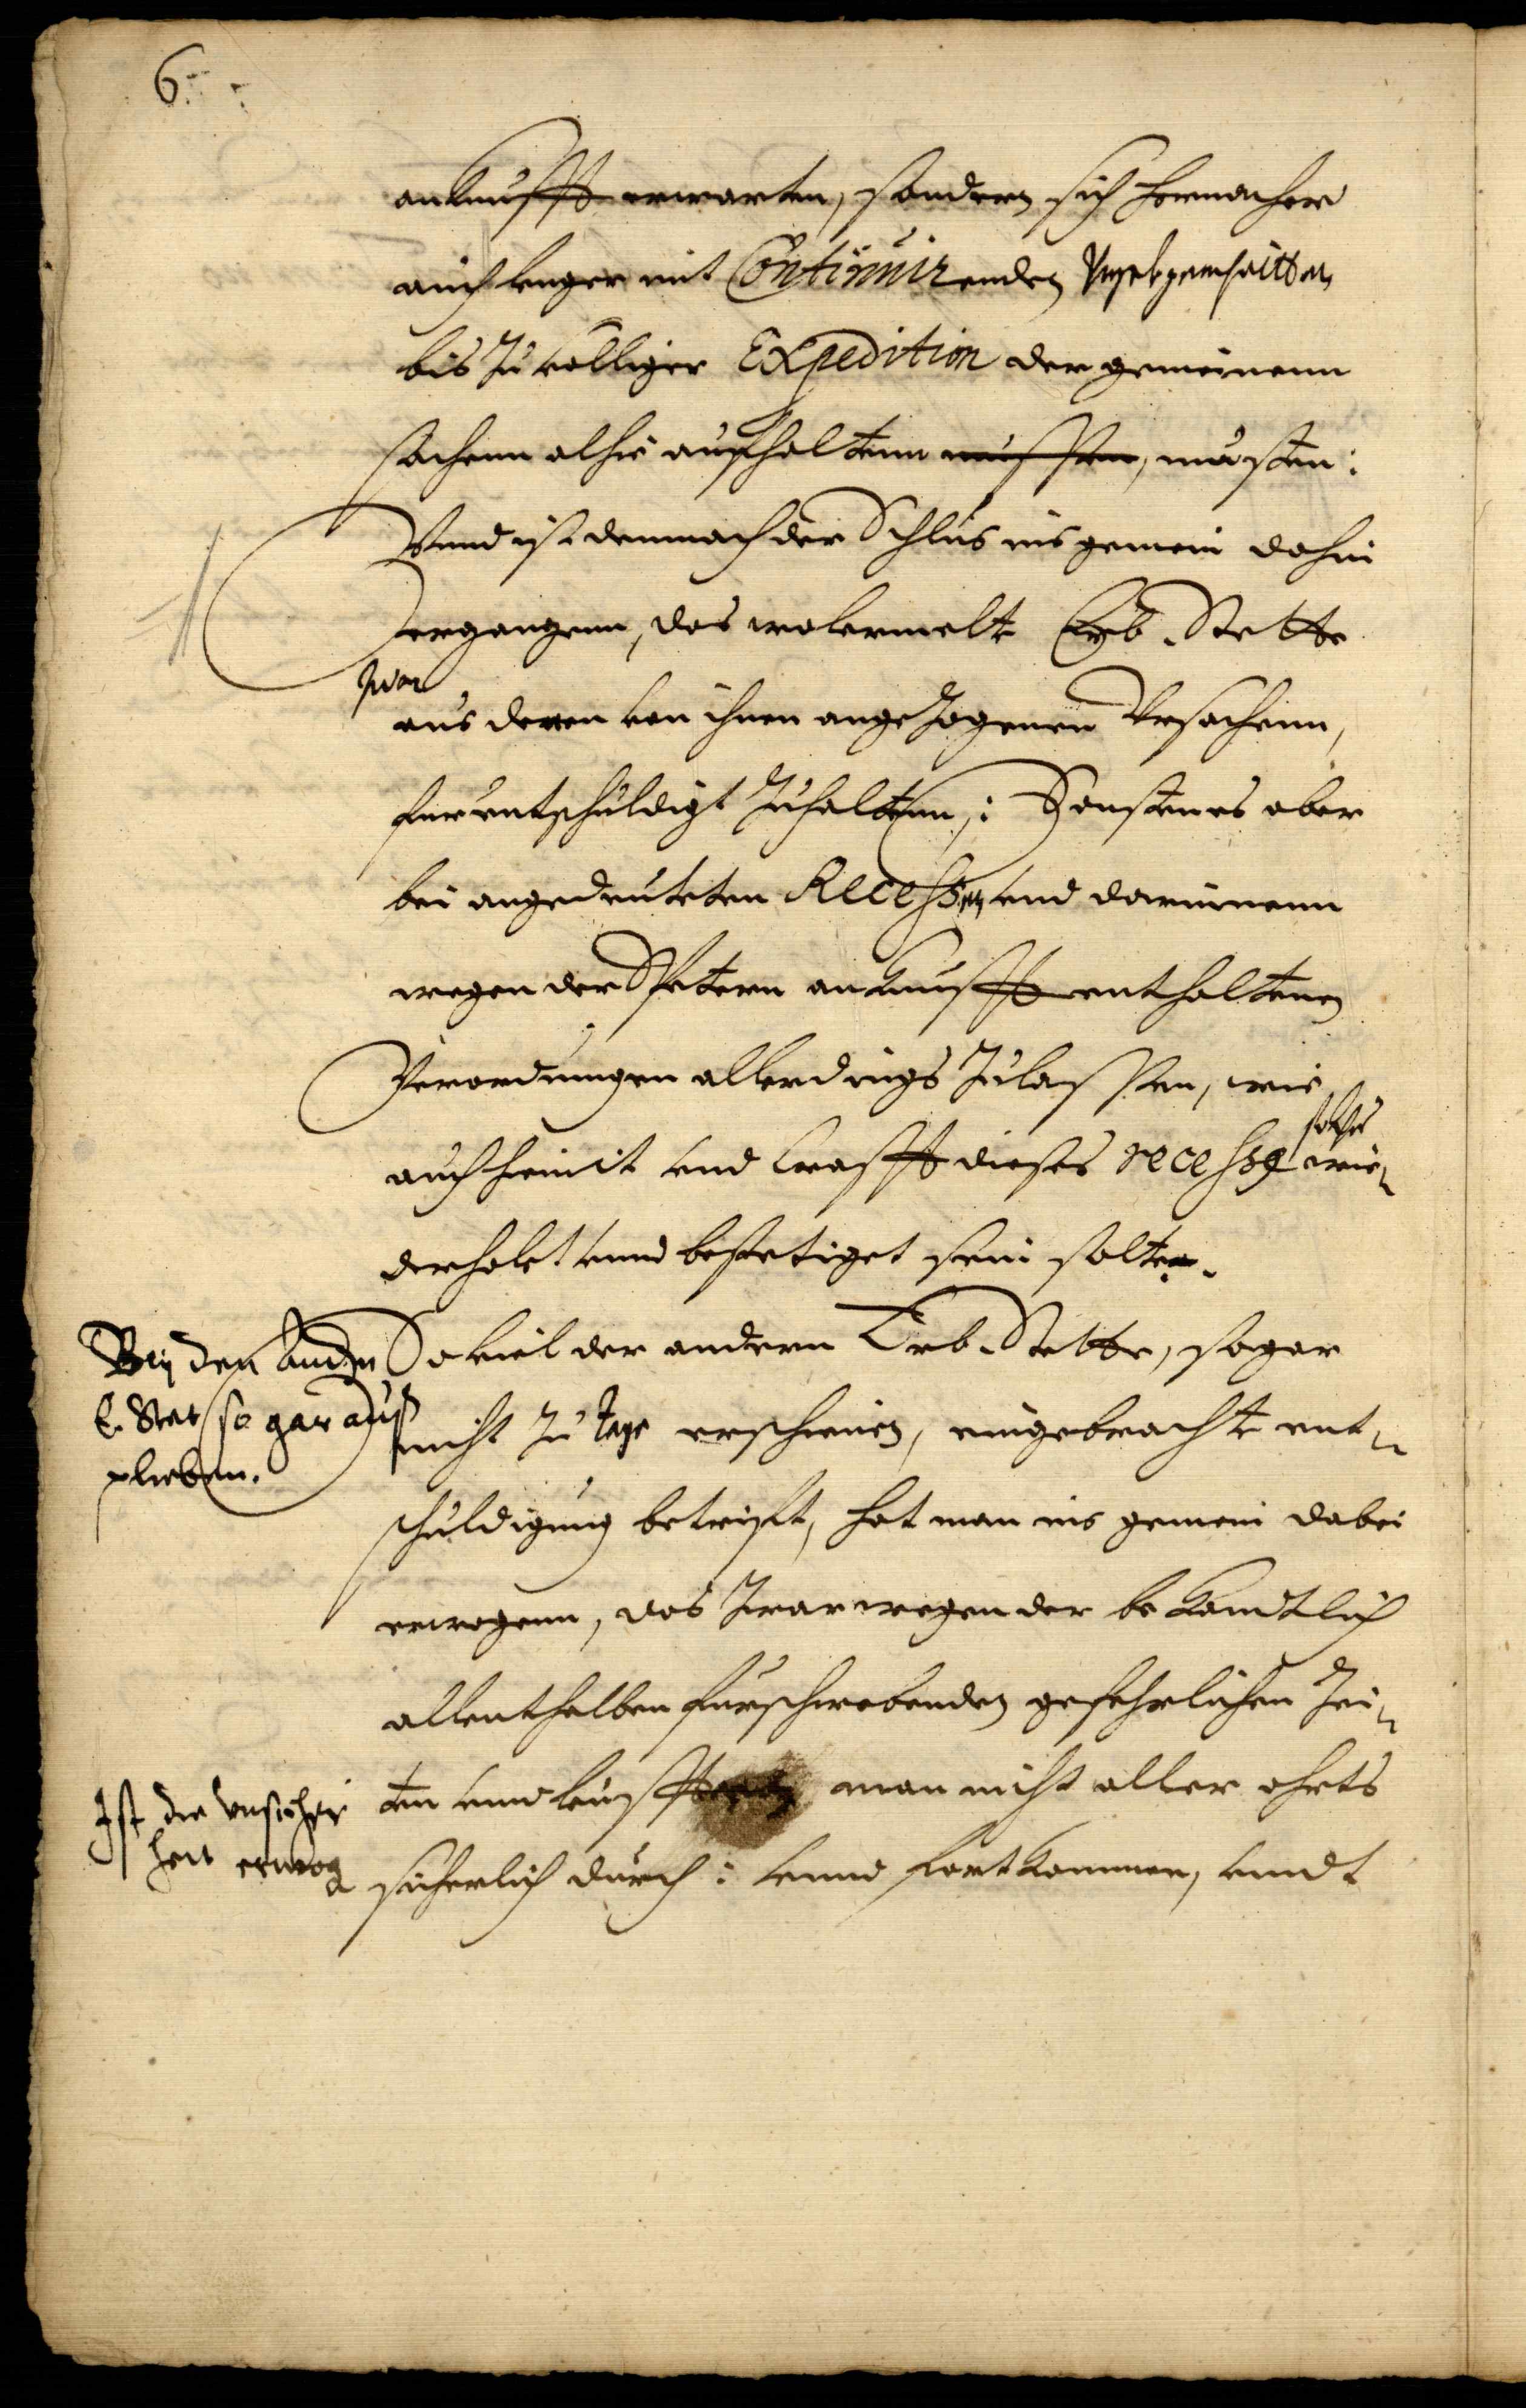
6 .
ankunfft erwarten, sondern sich hernacher
auch lenger mit Continuirenden vngebyemheitten,
bis zu volliger Expedition der gemeinenn
sachen alhir aufhaltenn mussen, musten:
Vnnd ist demnach der Schlus ins gemein dahin
ergangenn, das wolermelte Erb. Stette
zwar
aus deren von ihnen angezogener Vrsachenn,
fur entschuldigt zuhalten: Sonsten es aber
bei angedeuteten Recessen vnd darinnenn
wegen der Spetern ankunft enthaltenen
Verordnungen allerdings zulassen, wie
solches
auch hirmit vnd Crafft dieses recesse wie¬
wiederholet vnnd bestetiget sein solten.
Bey den Andern
E. Stet so gar auß
plieben.
Ist die vnsicher
heit erwogen
So viel der andern Erb. Stette, sogar
nicht zu tage erschienen, eingebrachte ent¬
schuldigung betrift, hat man ins gemein dabei
erwogenn, das zwar wegen der bekandtlich
allenthalben furschwebenden gefehrlichen zei¬
ten vnnd leufften man nicht aller ohrts
sicherlich durch: vnnd fortkommen, vnndt
